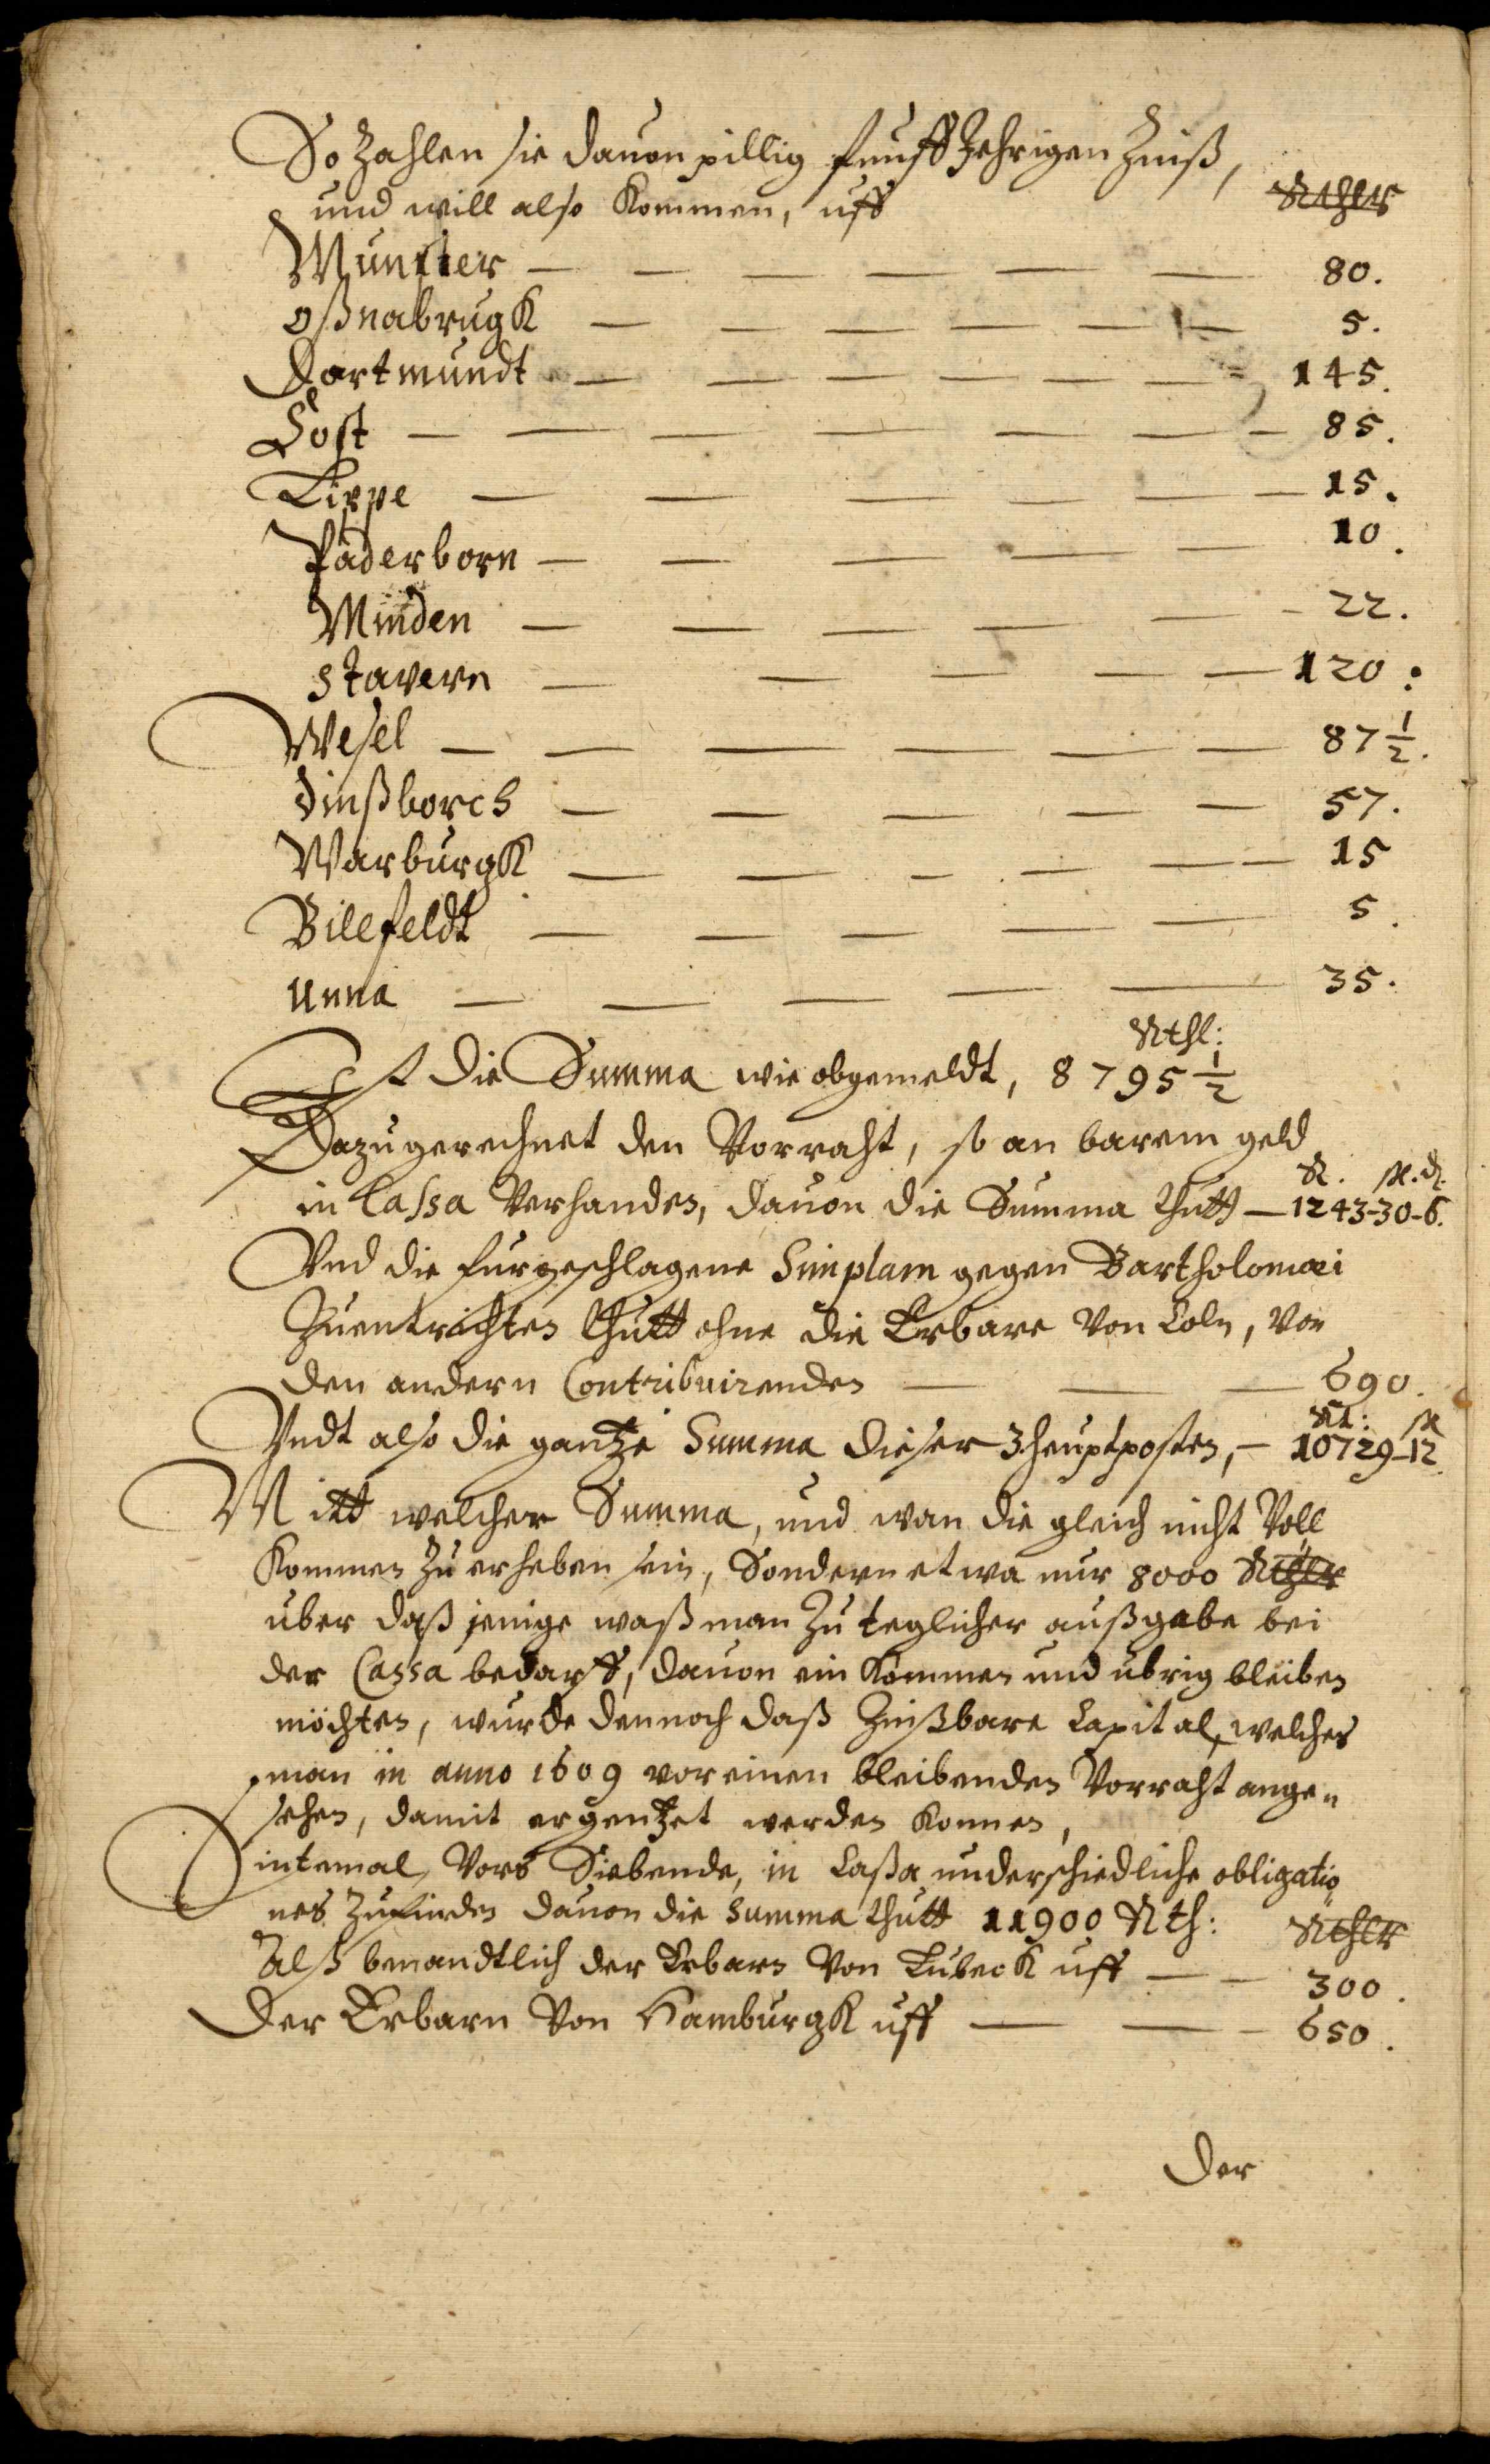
So zahlen sie dauon pillig funff Jehrigen Zinß,
und will also kommen, uff
Rthlr
Munster - - - - - - 80.
Oßnabrugk. - - - - - - 5.
Dortmundt - - - - - - 145.
Sost - - - - - - - 85.
Lippe - - - - - - 15.
Paderborn - - - - - 10.
Minden - - - - - 22.
Stavern - - - - - 120.
Wesel - - - - - - 87½
Diußborch - - - - - 57.
Warburgk - - - - - - 15
Bilefeldt - - - - - 5.
Unna - - - - - 35.
Rthl:
Ist die Summa wie obgemeldt, 8795½
Dazu gerechnet den Vorraht, so an barem geld
R. ßl. d.
in Cassa Verhanden, dauon die Summa thutt - 1243-30-6.
Vnd die furgeschlagene simplam gegen Bartholomaei
zuentrichten thutt ohne die Erbare von Coln, vor
den andern Contribuirenden - - - 690.
Rt: ßl
Vndt also die gantze Summa dieser 3. heuptposten, - 10729-12
Mitt welcher Summa, und wan die gleich nicht Voll
kommen zu erheben sein, Sondern etwa nur 8000 Rthlr
uber daß jenige waß man zu teglicher außgabe bei
der Cassa bedarff, dauon ein kommen und ubrig bleiben,
möchten, wurde dennoch daß zinßbare Capital, welches
man in anno 1609 vor einen bleibenden Vorraht ange¬
sehen, damit ergentzet werden konnen,
Sintemal, vors Siebende, in Caßa underschiedliche obligatio¬
nes zufinden dauon die summa thutt 11900 Rth: Rthlr
Alß benandtlich der Erbarn von Lubeck uff - - 300.
der Erbarn von Hamburgk uff - - - 650.
der
